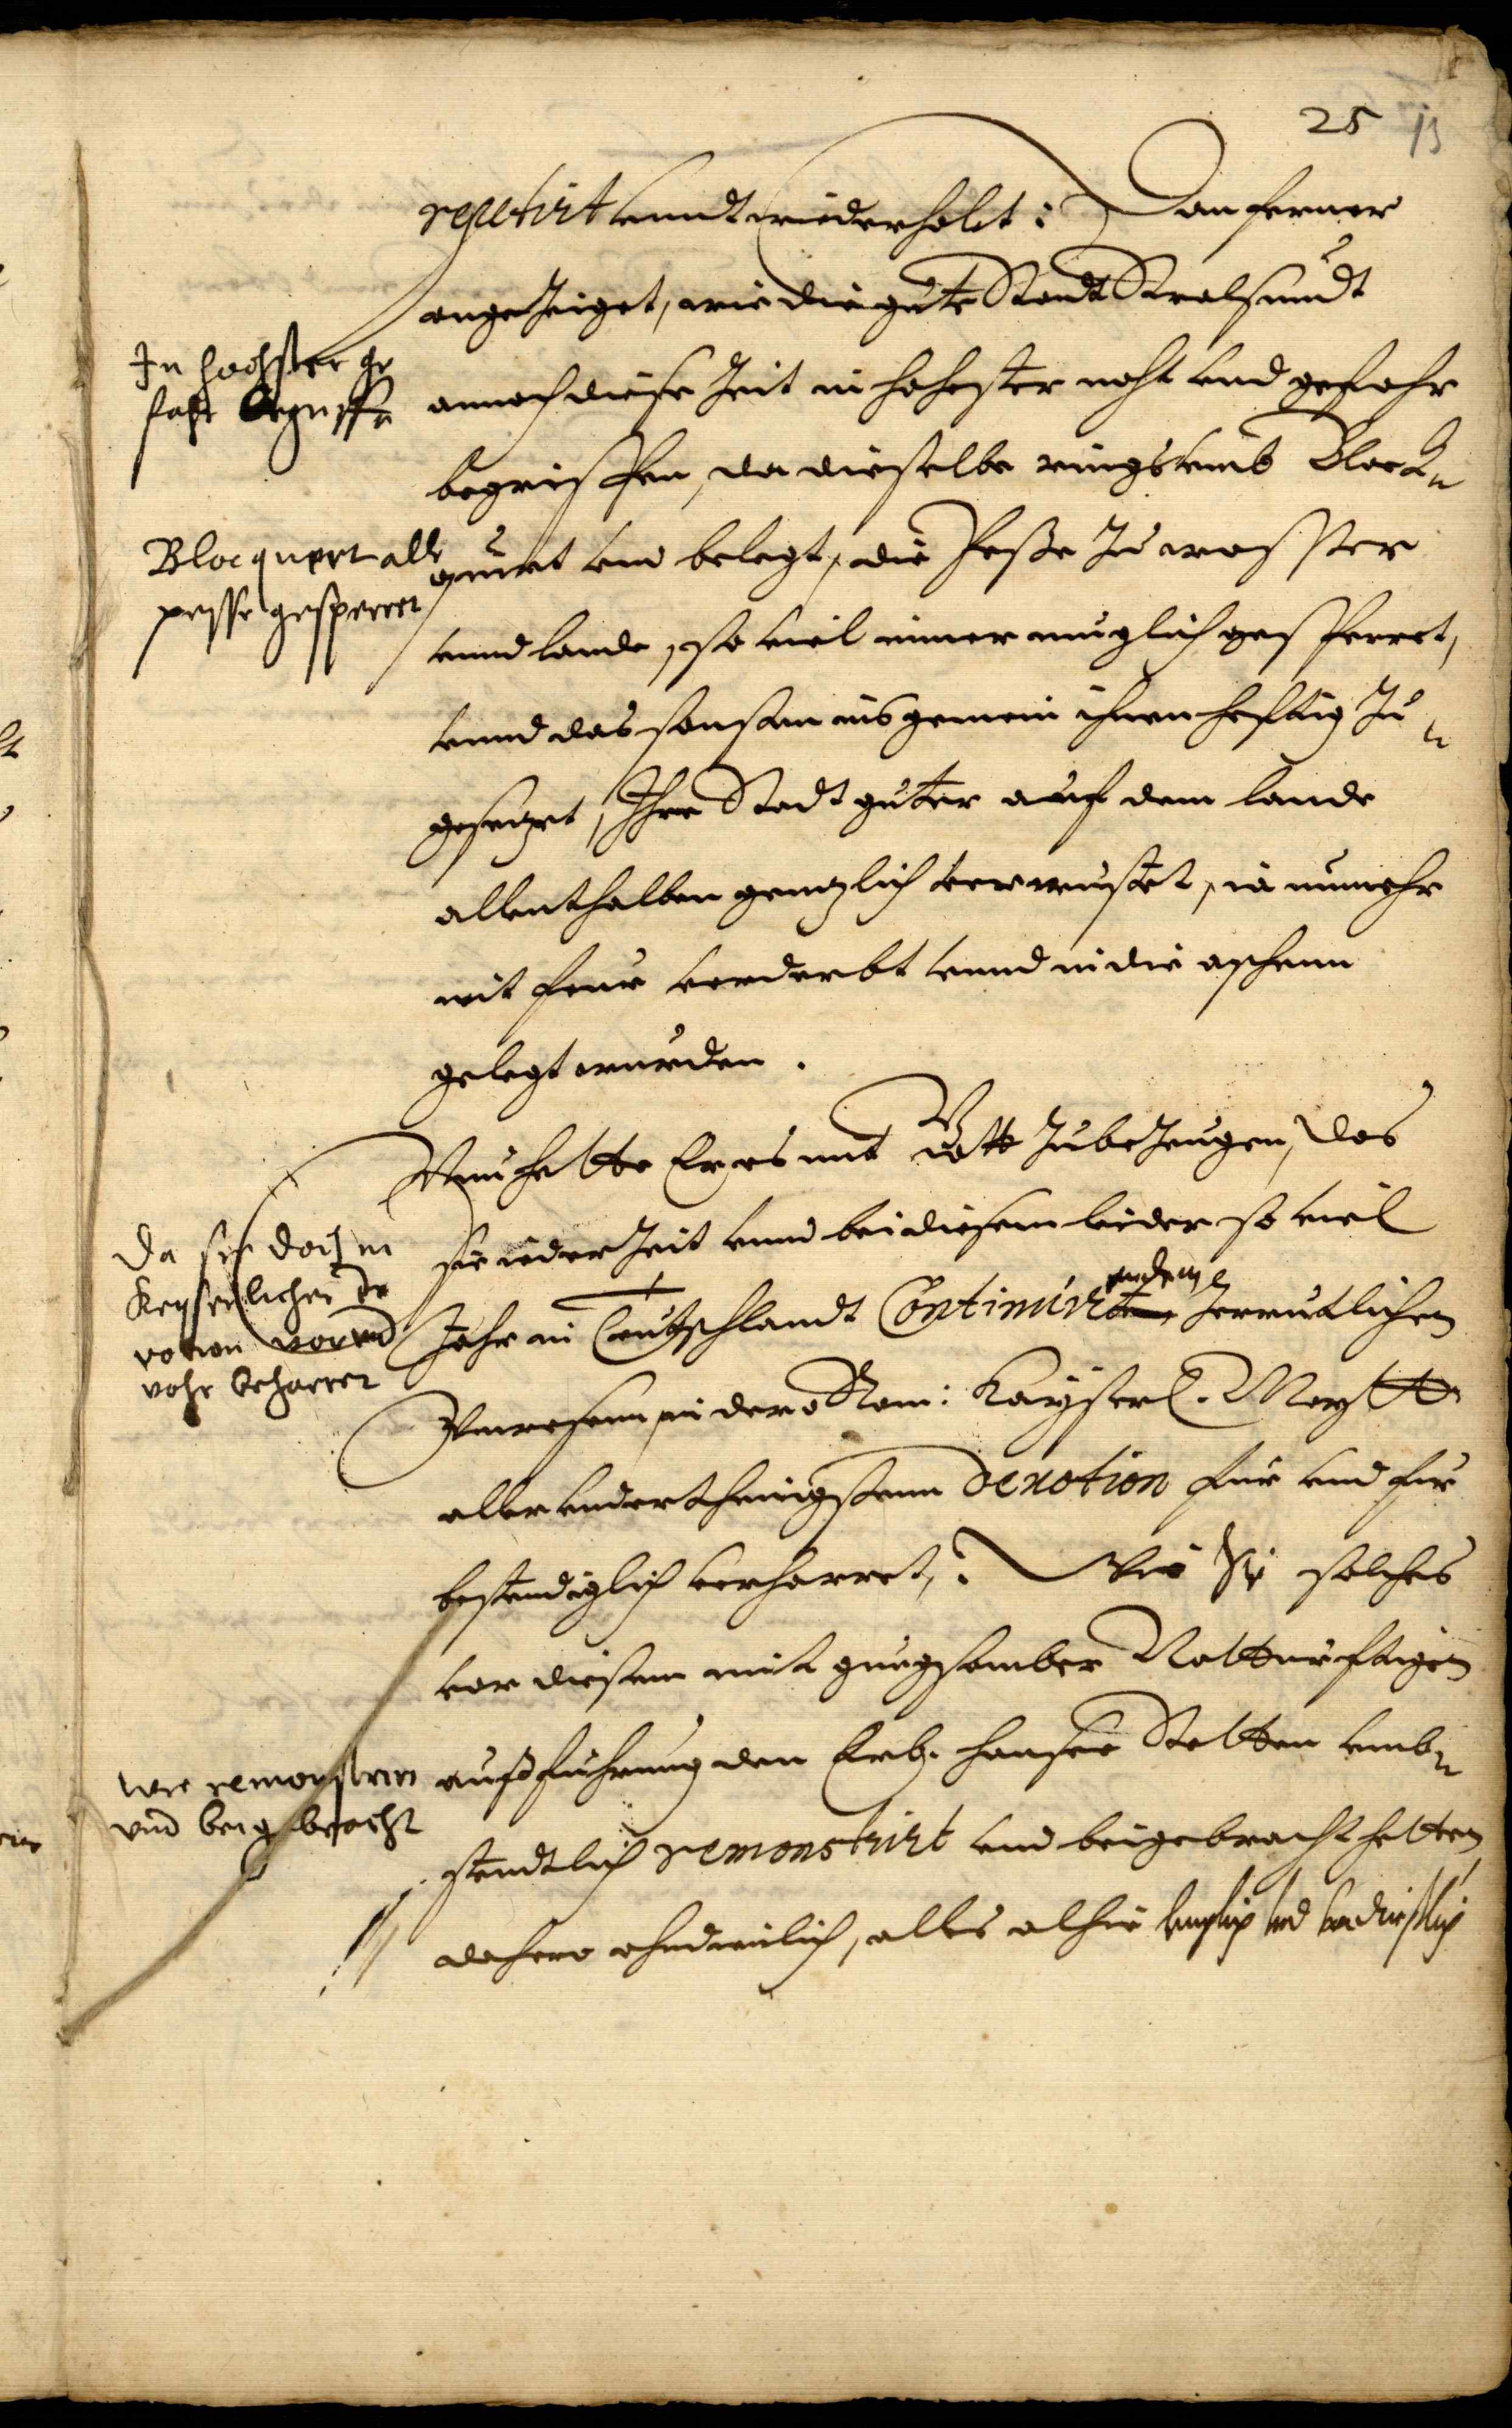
25
repetiet vnndt wiederholet: Dan ferner
angezeiget, wie die gute Stadt Stralsundt
annoch diese zeit in hohester noht und gefahr
begriffen, da dieselbe ringsvmb Block¬
quirt vnd belegt, die Peße zu wasser
vnnd lande, so viel inmer muglich gesperret,
vnnd das sonsten aus gemein ihnen heftig zu¬
gesetzet, Ihre Stadt guter auf dem lande
allenthalben gentzlich verwustet, in nunmehr
mit feur verderbt vnnd in die aschenn
gelegt wurden.
In hochster ge
fahr begriffe
Blocquert alle
pesse gesperret
Nun hette Er es mit Gott zubezeugen, das
fur iederzeit vnnd bei diesem leider so viel
endem
Jahr in Teutschlandt Continuirtem zerrutlichen
Vnwesenn in dero Rom: Kaijserl. Maytt
aller vnderthenigstenn deuotion fur vnd fur
bestendiglich verharret,: Wie Sie solches
vor diesen mit gnugsamber Notturftigen
außfuhrung den Erb. hansee Stetten vmb¬
stendtlich remonstrirt vnd beigebracht hetten,
dahero ahndeilich, alles alhir vnplich vnd verdrießlich
da sie doch in
keyserlichen de
votion vor vnd
vohr veharren
wer remonstrien
vnd beigebracht
